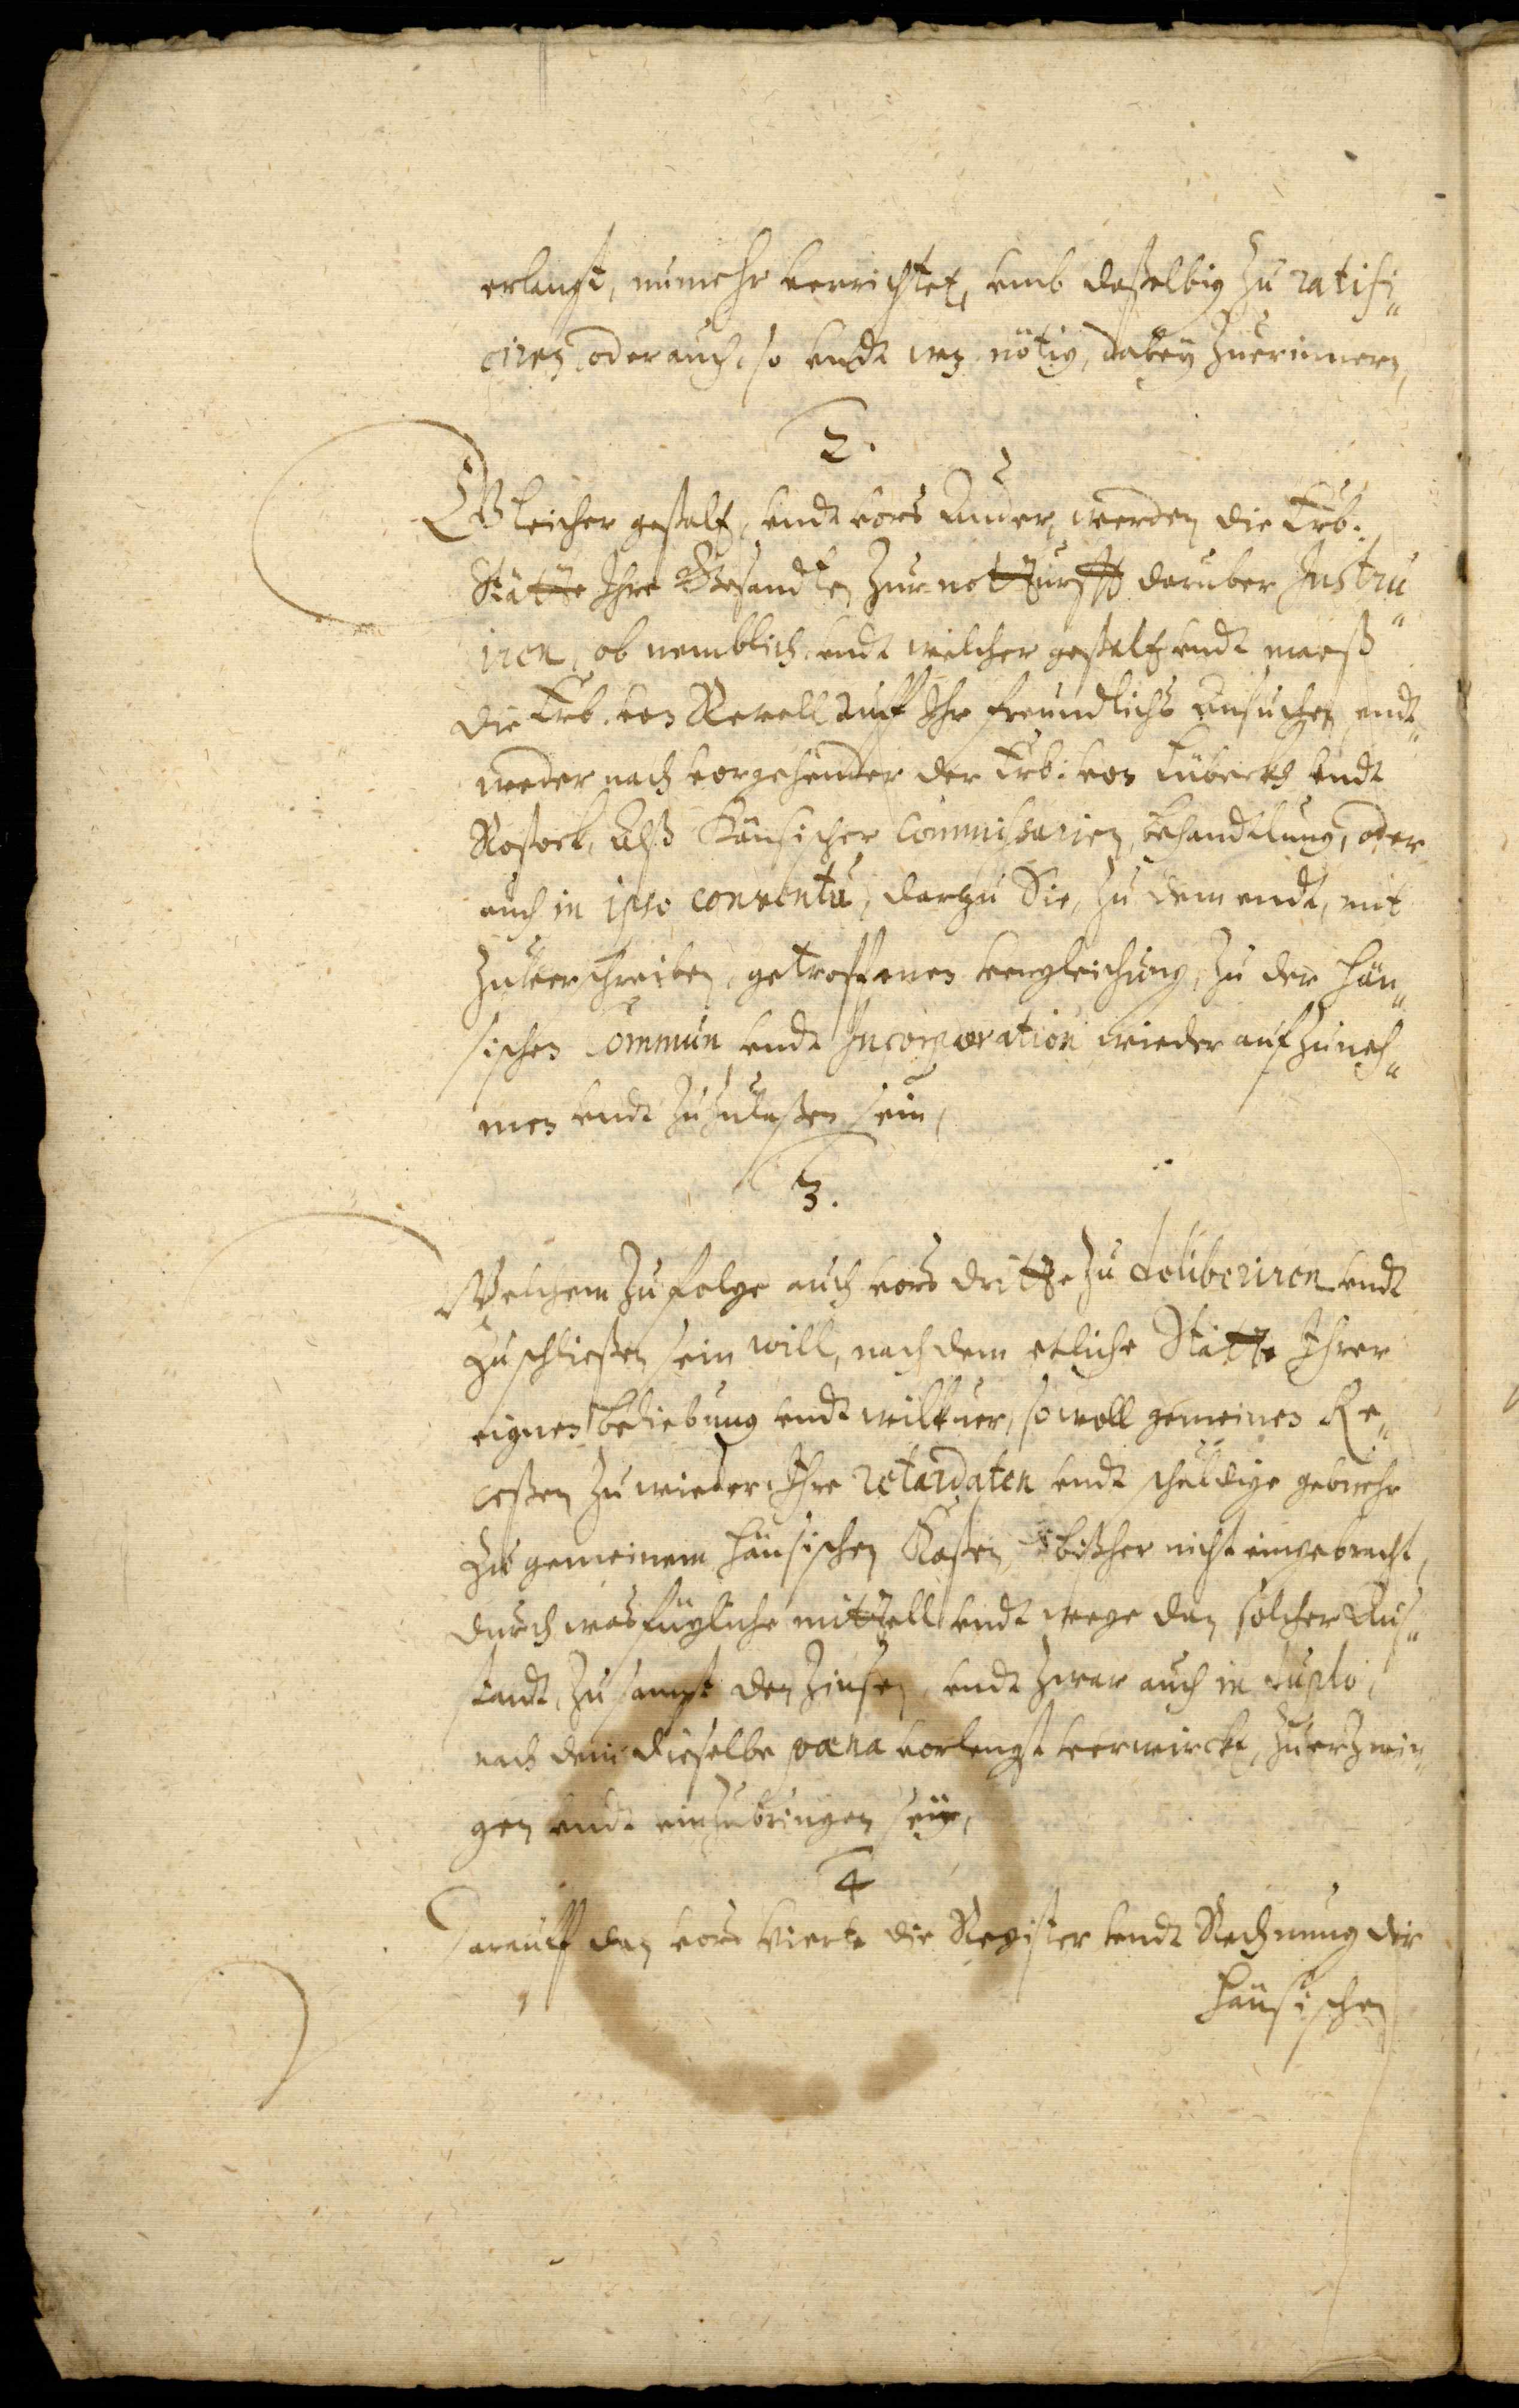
erlangt, nunmehr verrichtet, vmb daßelbig zu ratifi¬
ciren oder auch, so vndt wen nöthig, dabey zuerinnern,
2.
Gleicher gestalt, vndt vors ander, werden die Erb:
Stätte Ihre Gesandten zur notturfft darüber Instru¬
ieren, ob nemblich, vndt welcher gestalt vndt maeß
die Erb. von Revell auff Ihr freundlichs ansuchen, endt¬
weder nach vorgehender der Erb. von Lübeckh vndt
Rostock, alß Hänsischer Commissarien, behandtlung, oder
auch in ipso conventu, darzu Sie Zu dem endt, mit
Zuverschreiben, getroffenen vergleichung, Zu der hän¬
sischen Commun vndt Incorporation wieder aufZuneh¬
men undt ZuZulaßen sein,
3.
Welchem zu folge auch vors dritte zu deliberiren vndt
zu schließen sein will, nach dem etliche Stätte Ihrer
eignen beliebung vndt wilkuer, so woll gemeinen Re¬
ceßen Zu wieder, Ihre retardaten vndt schuldige gebuehr
zu gemeinem hänsischen Kosten, bißher nicht eingebracht,
durch was fügliche mittell vndt wege dan solcher Aus¬
standt, zu sampt den Zinsen, vndt Zwar auch in duplo,
nach dem dieselbe pæna vorlengst verwirckt, ZuerZwin¬
gen vndt einZubringen seij.
4
Darauff dan vors vierte die Register vndt Rechnung der
hänsischen
